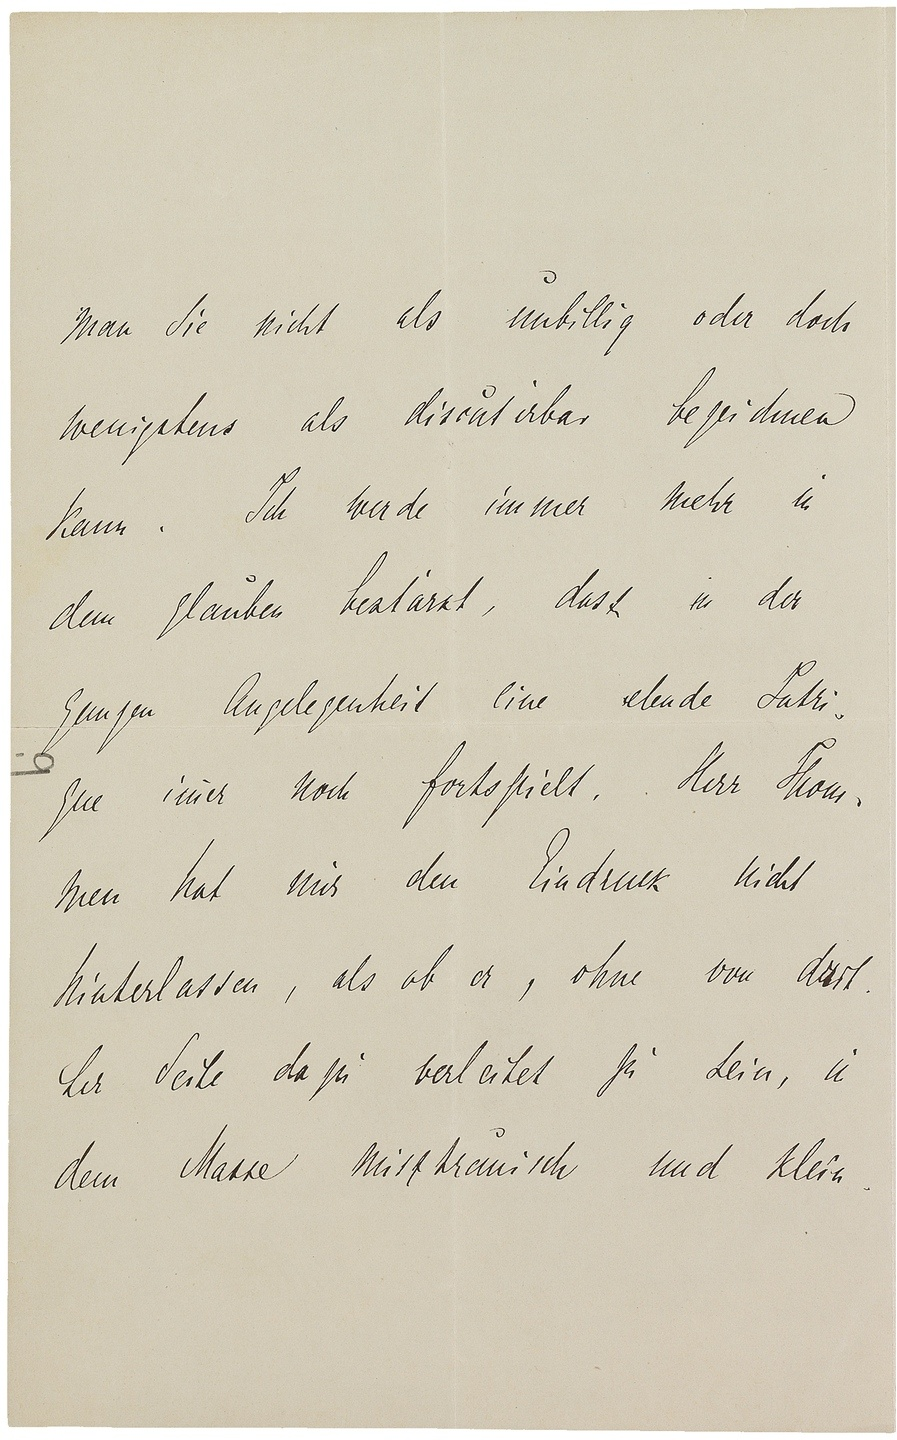man sie nicht als unbillig oder doch
wenigstens als discutirbar bezeichnen
kann. Ich werde immer mehr in
dem Glauben bestärkt, dass in der
ganzen Angelegenheit eine elende Intri-
gue immer noch fortspielt. Herr Thom-
men hat mir den Eindruck nicht
hinterlassen, als ob er, ohne von drit-
ter Seite dazu verleitet zu sein, in
Masse misstrauisch und klein-